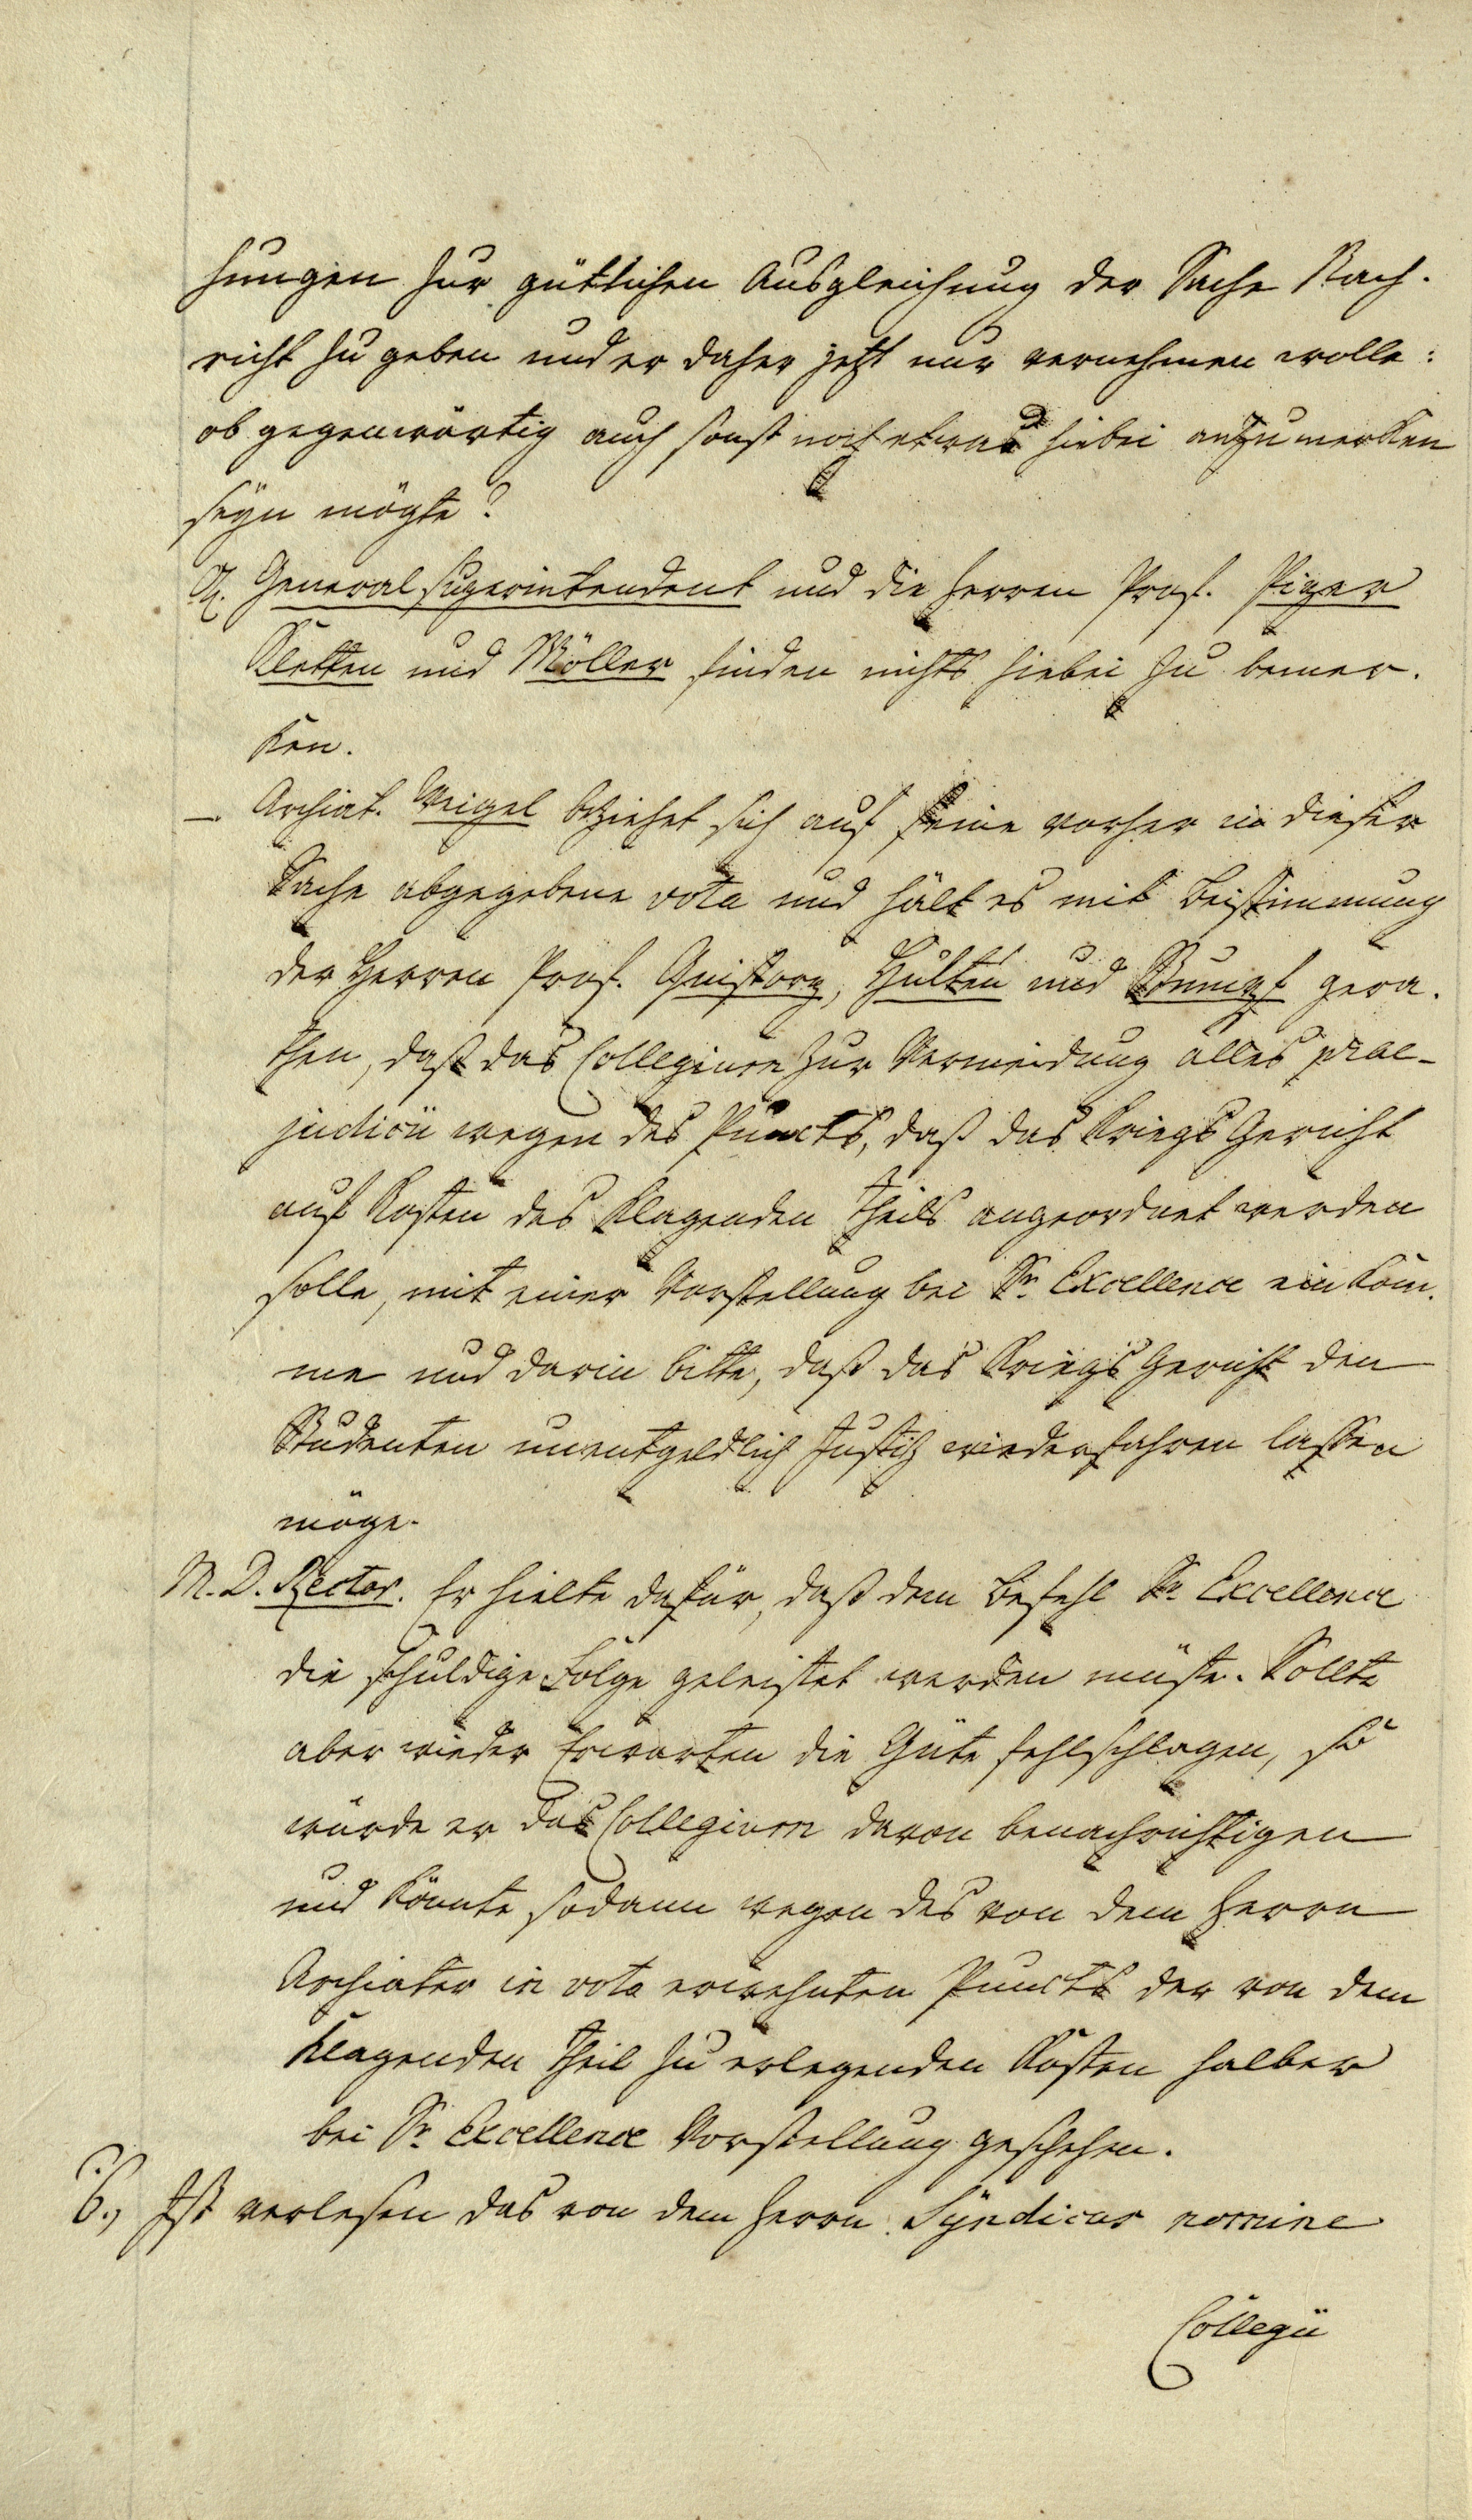hungen zur gütlichen Ausgleichung der Sache Nach¬
richt zu geben und er daher jetzt nur vernehmen wolle:
ob gegenwärtig auch sonst noch etwas hiebei anzumerken
seÿn mögte?
dh. Generalsuperintendent und die Herren Prof. Piper
Kletten und Möller finden nichts hiebei zu bemer¬
den.
Archiat. Weigel beziehet sich auf seine vorher in dieser
Sache abgegebene vota und hält es mit Beistimmung
der Herren Prof. Quistorp, Hultén und Stumpf gera¬
then, daß das Collegium zur Vermeidung alles prae¬
judicii wegen des Puncts, daß das KriegsGericht
auf Kosten des Klagenden theils angeordnet werden
solle, mit einer Vorstellung bei Sr Excellence einkom¬
me und darin bitte, daß das Kriegs Gericht den
Studenten unentgeldlich Justiz wiederfahren lassen
möge.
M. D. Rector. Er hielte dafür, daß dem Befehl Sr Excellence
die schuldige Folge geleistet werden müßte. Sollte
aber wieder Erwarten die Güte fehlschlagen, so
würde er das Collegium davon benachrichtigen
und könnte sodann wegen des von dem Herrn
Archiater in voto erwehnten Puncts der von dem
Klagenden Theil zu erlegenden Kosten halber
bei Sr Excellence Vorstellung geschehen.
6., Ist verlesen das von dem Herrn Sÿndicus nomine
Collegii